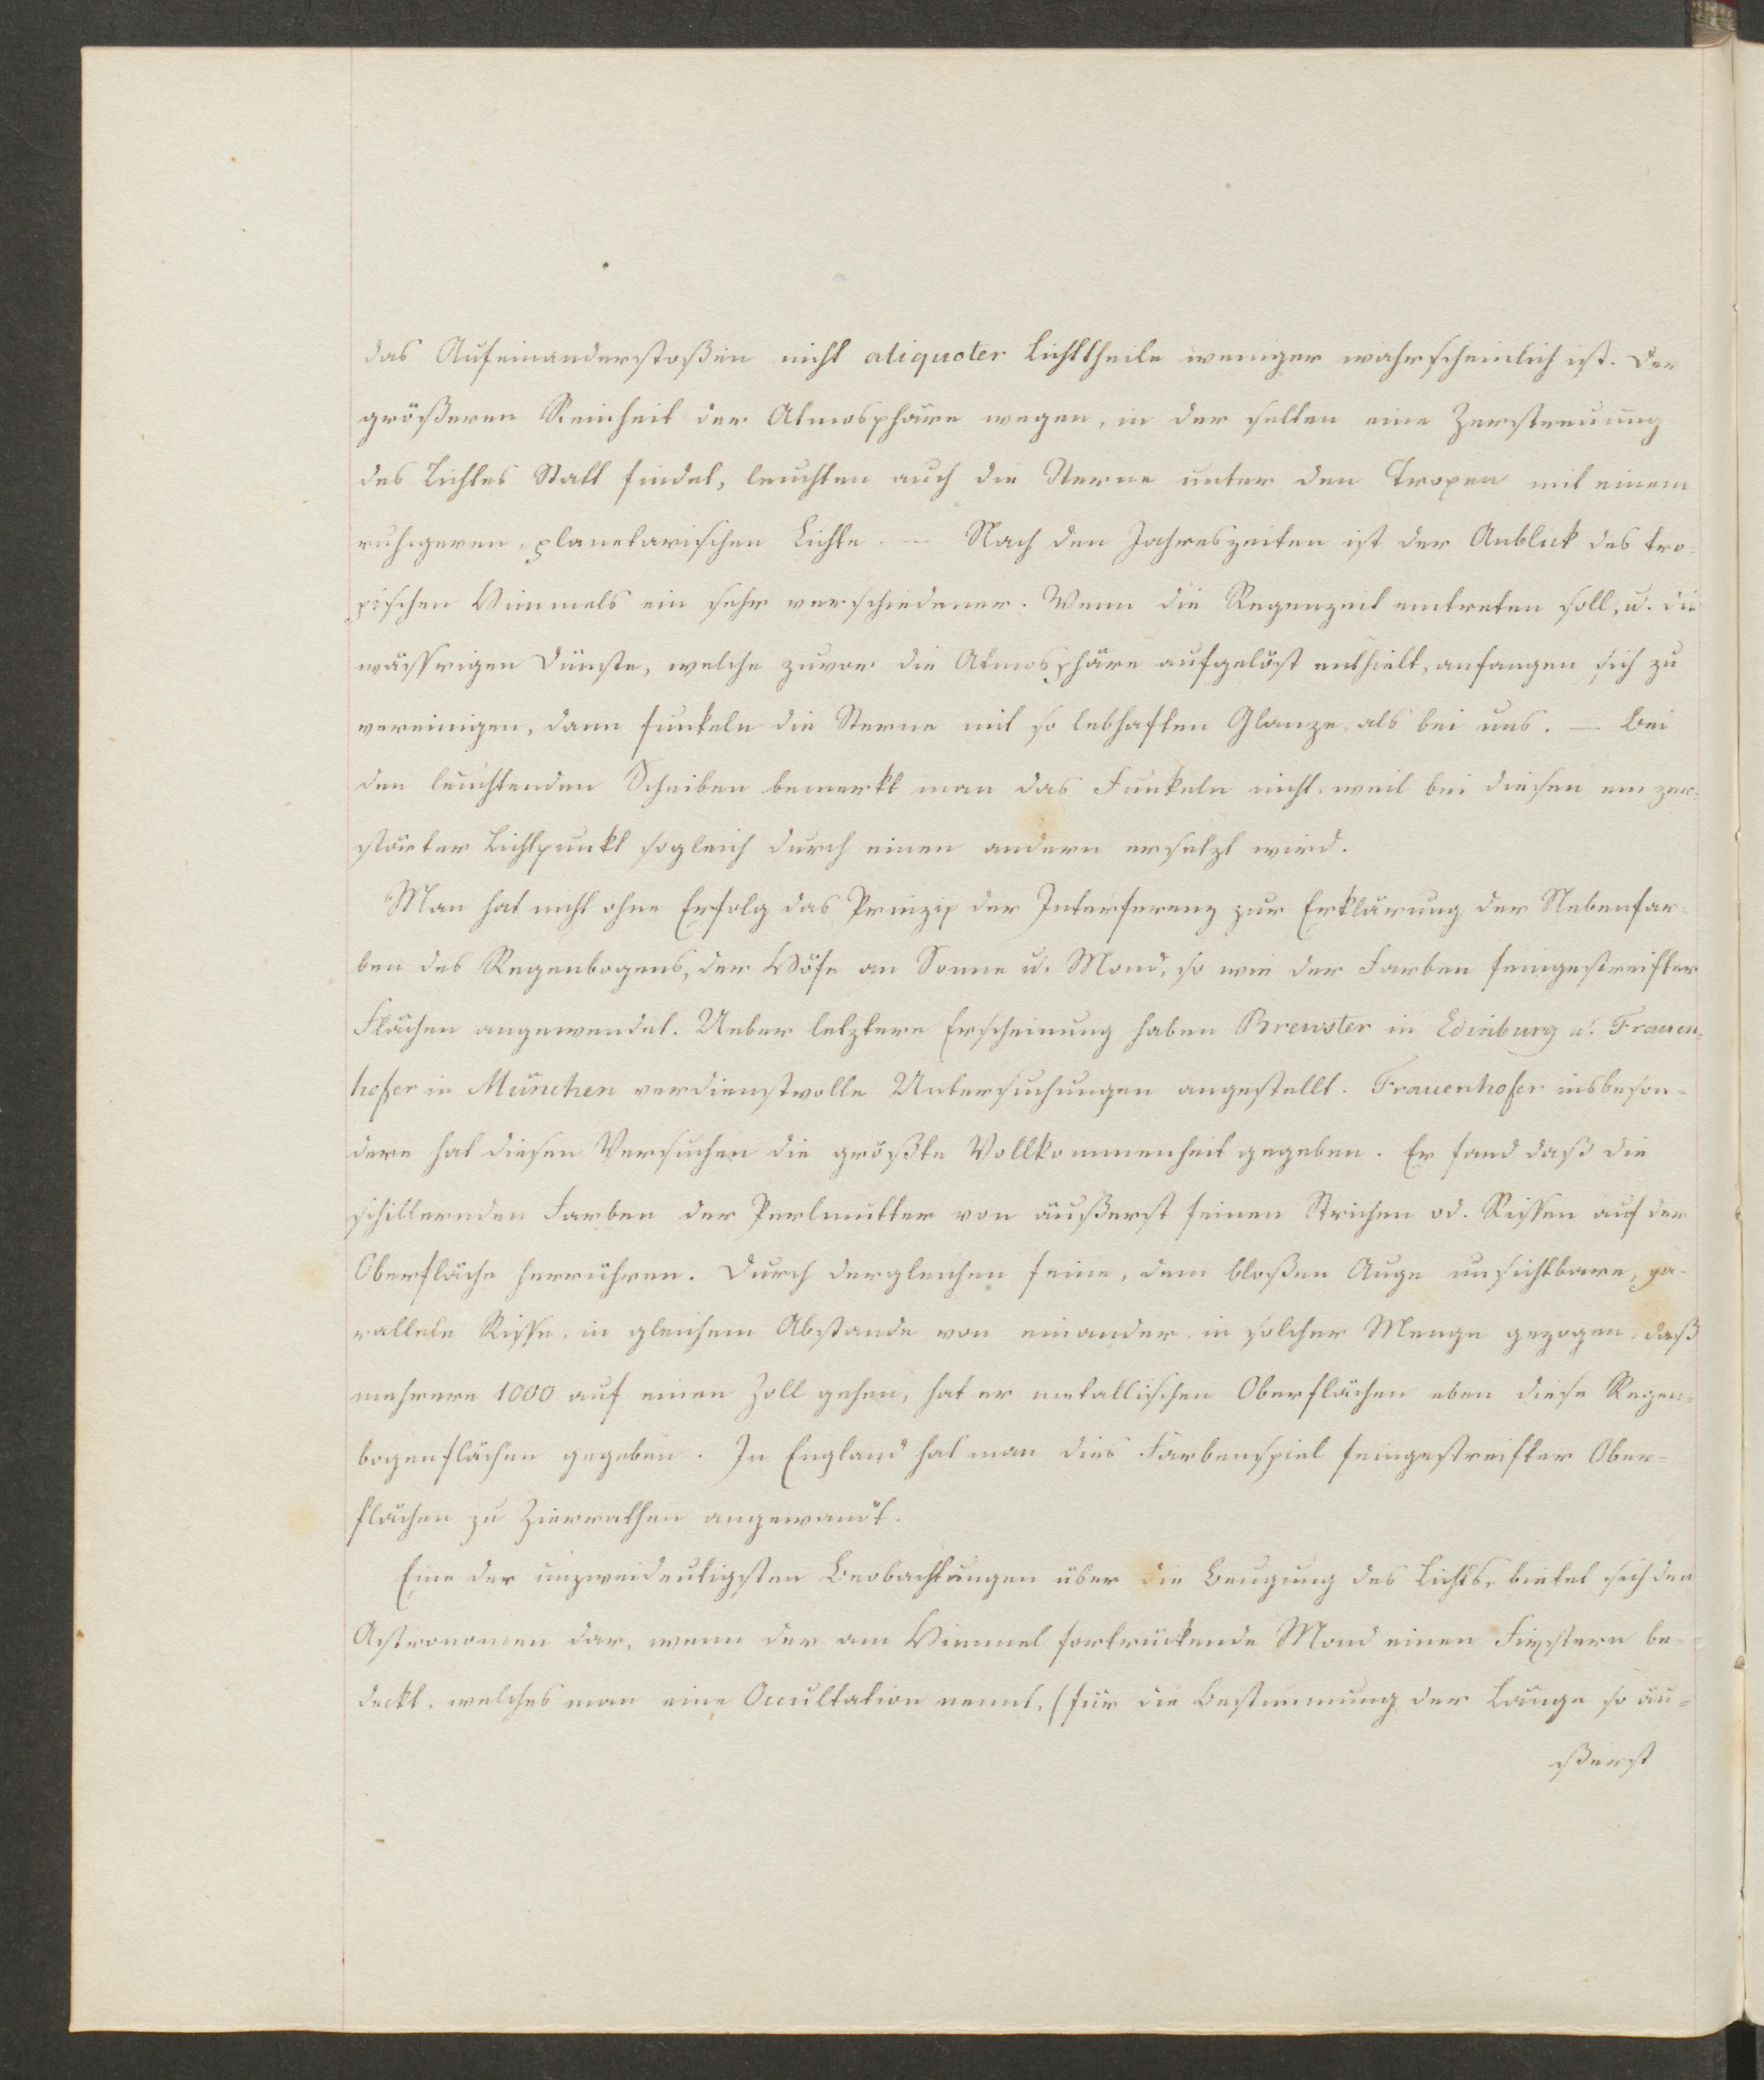das Aufeinanderstoßen nicht aliquoter Lichttheile weniger wahrscheinlich ist. Der
größeren Reinheit der Atmosphäre wegen, in der selten eine Zerstreuung
des Lichtes Statt findet, leuchten auch die Sterne unter den Tropen mit einem
ruhigeren planetarischen Lichte. – Nach den Jahreszeiten ist der Anblick des tro-
pischen Himmels ein sehr verschiedener. Wenn die Regenzeit eintreten soll, u. die
wässrigen Dünste, welche zuvor die Atmosphäre aufgelöst enthielt, anfangen sich zu
vereinigen, dann funkeln die Sterne mit so lebhaftem Glanze, als bei uns. – Bei
den leuchtenden Scheiben bemerkt man das Funkeln nicht, weil bei diesen ein zer-
störter Lichtpunkt sogleich durch einen andern ersetzt wird.
Man hat nicht ohne Erfolg das Prinzip der Interferenz zur Erklärung der Nebenfar-
ben des Regenbogens, der Höfe an Sonne u. Mond, so wie der Farben feingestreifter
Flächen angewendet. Ueber letztere Erscheinung haben Brewster in Edinburg u. Frauen-
hofer in München verdienstvolle Untersuchungen angestellt. Frauenhofer insbeson-
dere hat diesen Versuchen die größte Vollkommenheit gegeben. Er fand daß die
schillernden Farben der Perlmutter von äußerst feinen Strichen od. Rissen auf der
Oberfläche herrühren. Durch dergleichen feine, dem bloßen Auge unsichtbare, pa-
rallele Risse, in gleichem Abstande von einander, in solcher Menge gezogen, daß
mehrere 1000 auf einen Zoll gehen, hat er metallischen Oberflächen eben diese Regen-
bogenflächen gegeben. In England hat man dies Farbenspiel feingestreifter Ober-
flächen zu Zierrathen angewandt.
Eine der unzweideutigsten Beobachtungen über die Beugung des Lichts, bietet sich den
Astronomen dar, wenn der am Himmel fortrückende Mond einen Fixstern be-
deckt, welches man eine Occultation nennt, (für die Bestimmung der Länge so äu-
ßerst